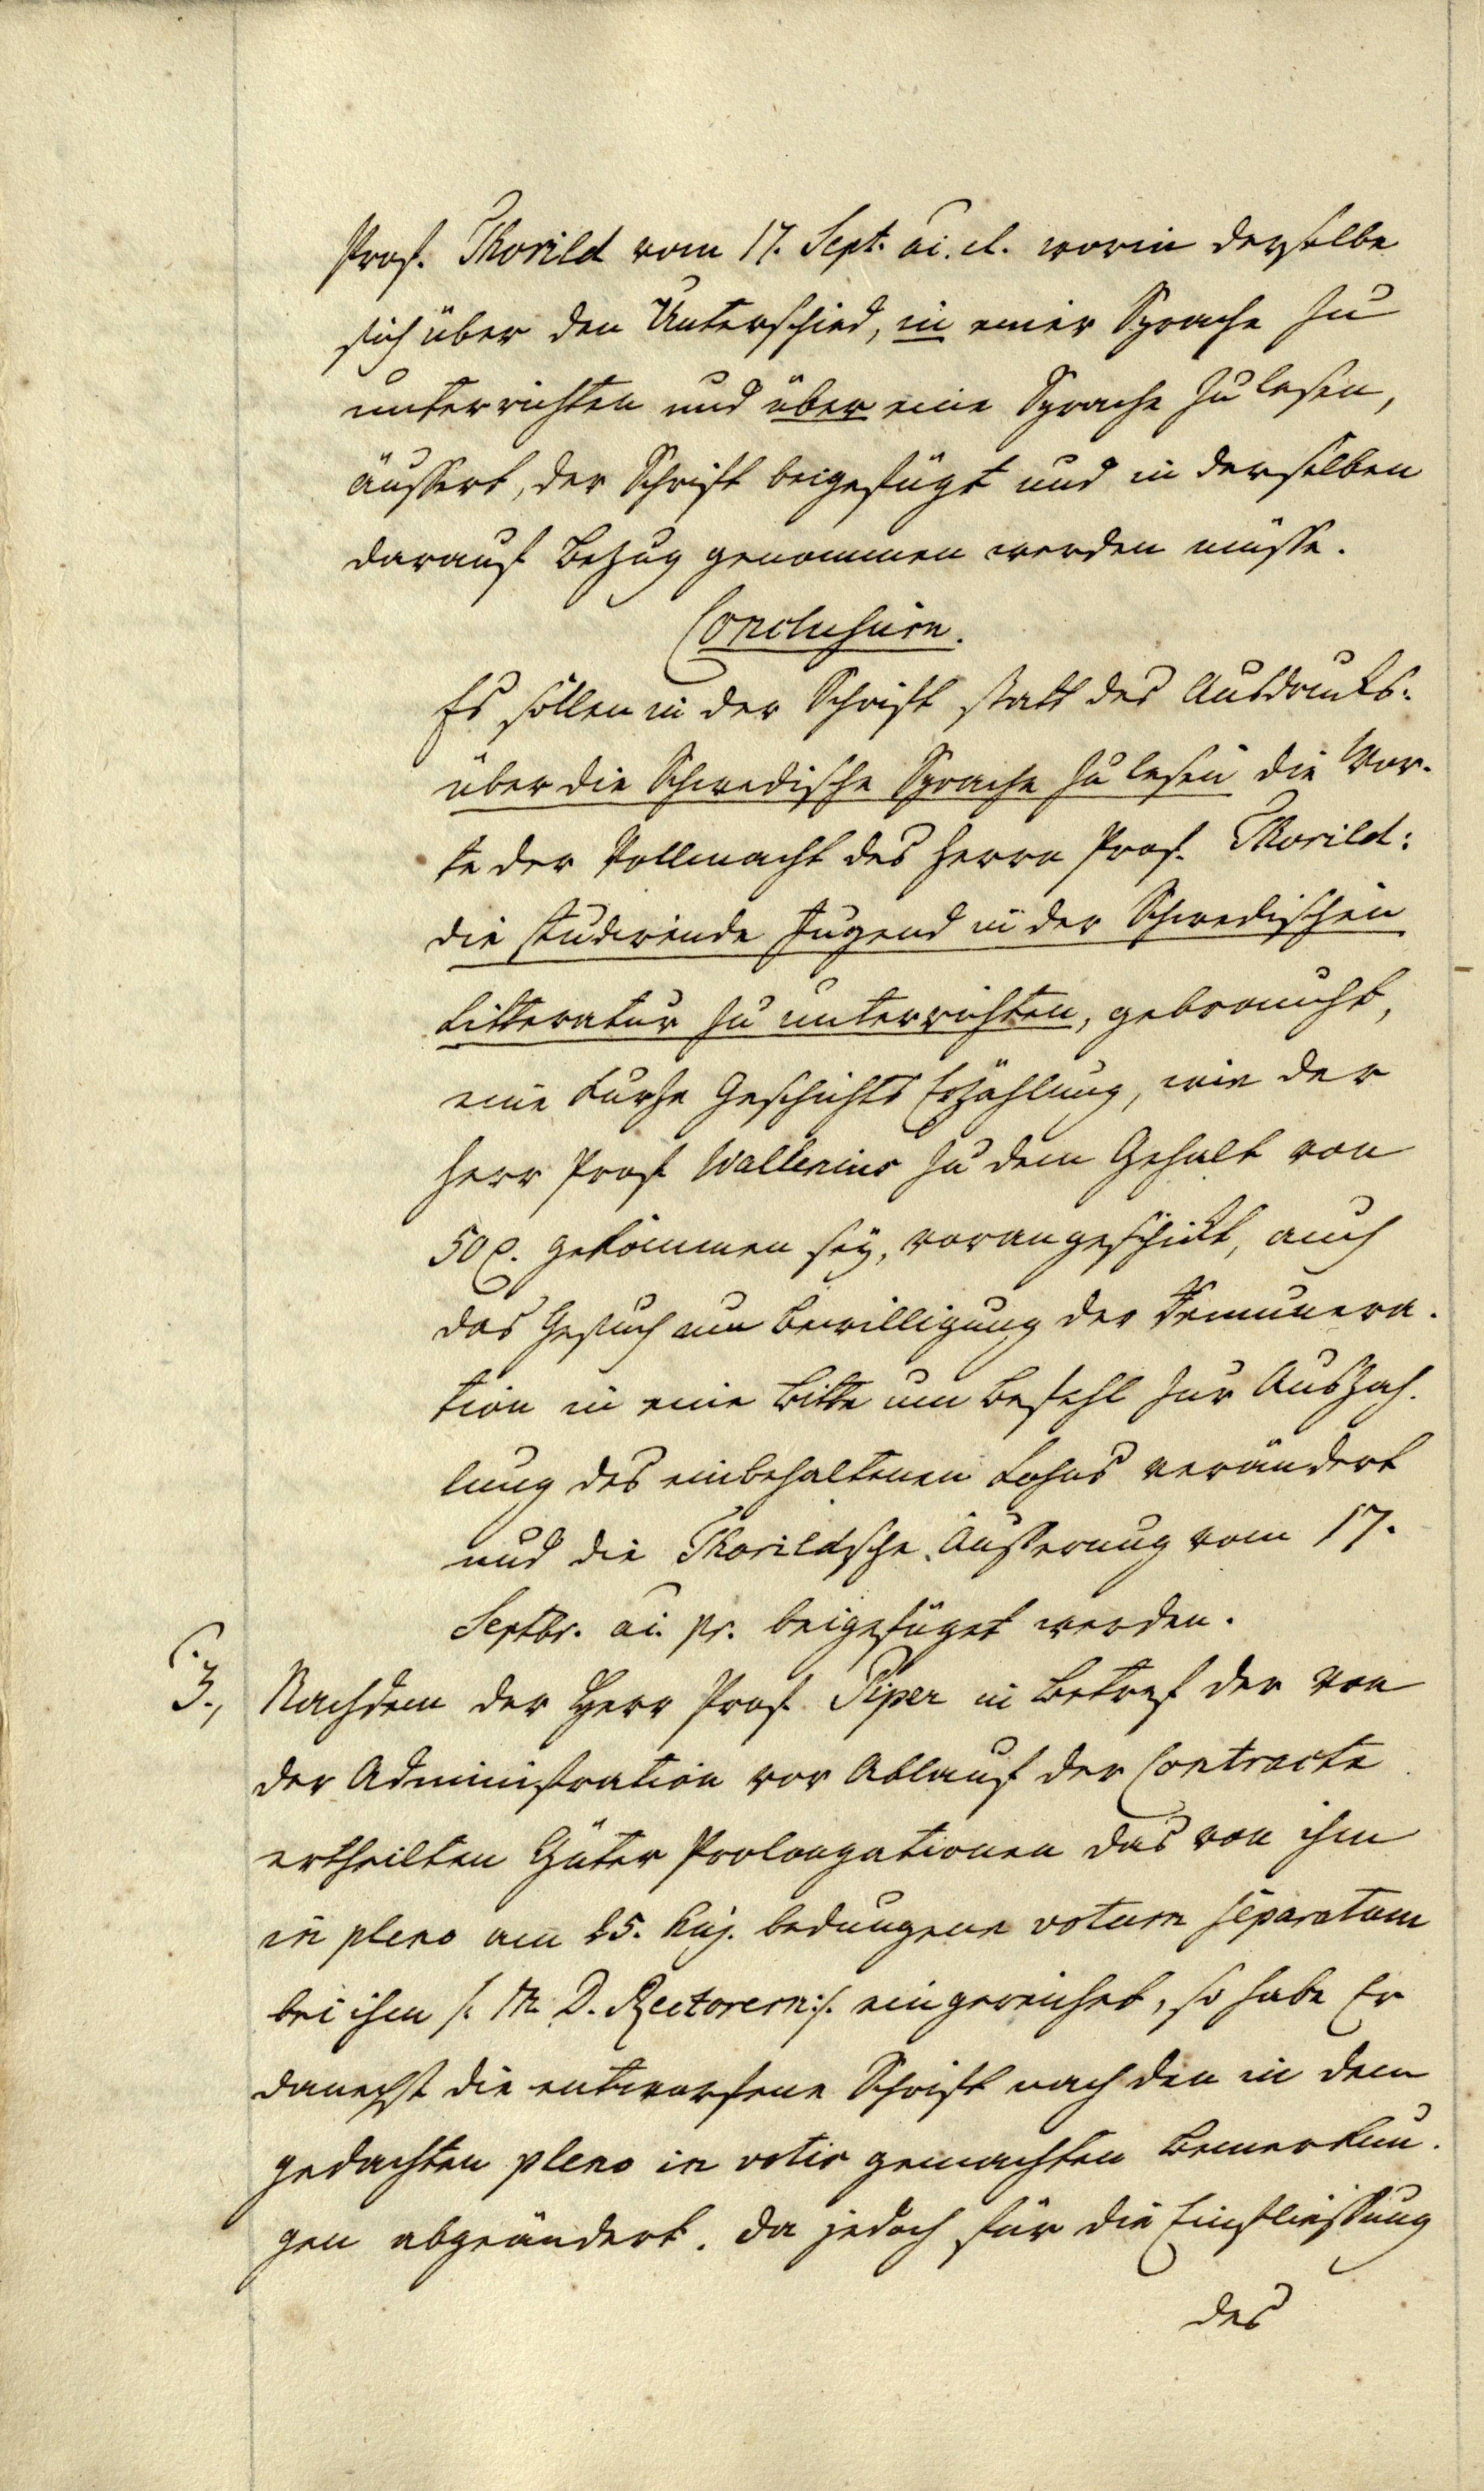Prof. Thorild vom 17. Sept. ai. et. worin derselbe
sich über den Unterschied, in einer Sprache zu
unterrichten und über eine Sprache zu lesen,
äussert, der Schrift beigefügt und in derselben
darauf Bezug genommen werden müsse.
Conclusum.
Es sollen in der Schrift statt des Ausdrucks:
über die Schwedische Sprache zu lesen die Wor¬
te der Vollmacht des Herrn Prof. Thorild:
die studirende Jugend in der Schwedischen
Litteratur zu unterrichten, gebraucht
eine kurze Geschichts Erzählung, wie der
Herr Prof. Wallenius zu dem Gehalt von
50 l. gekommen seÿ, vorangeschickt, auch
das Gesuch um Bewilligung der Remunera¬
tion in eine Bitte um Befehl zur Auszah¬
lung des einbehaltenen Lohns verändert
und die Thorildsche Äusserung vom 17.
Septbr. a.i pr. beigefüget werden.
3., Nachdem der Herr Prof. Piper in Betref der von
der Administration vor Ablauf der Contracte
ertheilten Güter Prolongationen das von ihm
in pleno am 25. huj. bedungene votum separatum
bei ihm /. M. D. Rectorem ./ eingereichet, so habe Er
danechst die entworfene Schrift nach den in dem
gedachten pleno in votis gemachten Bemerkun¬
gen abgeändert. Da jedoch für die Einfliessung
des